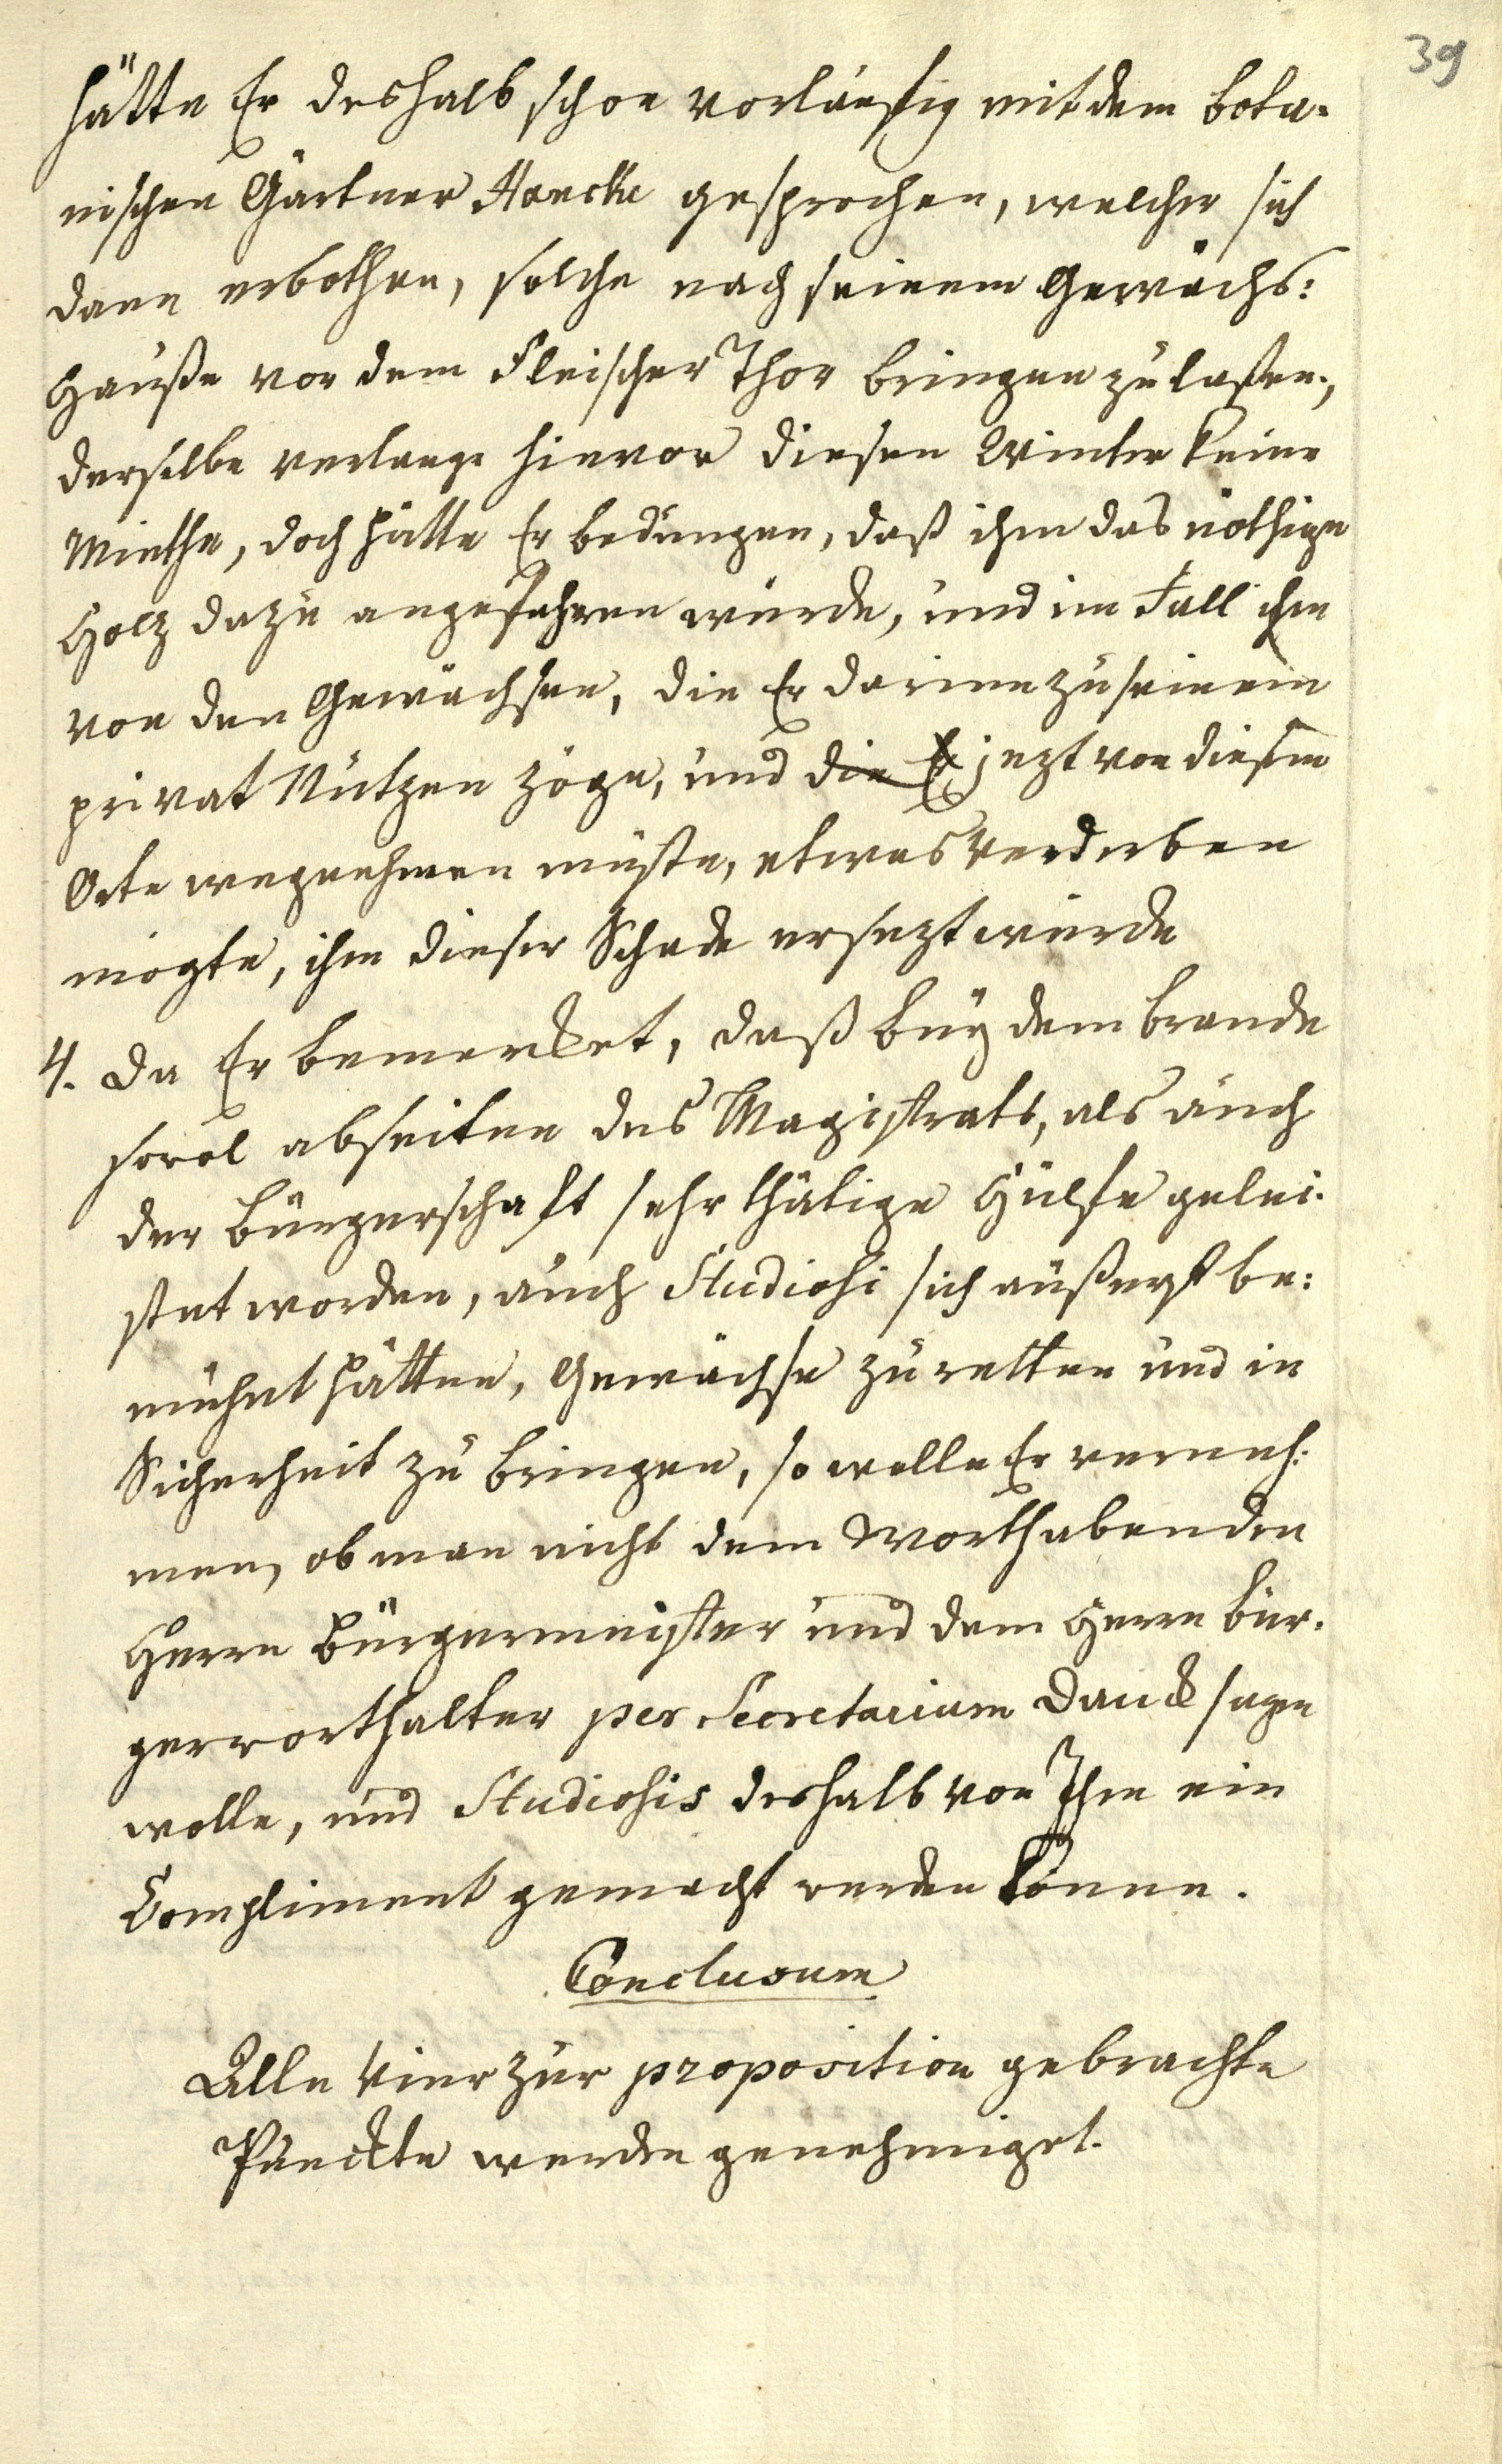hätte Er deshalb schon vorläufig mit dem Bota¬
nischen Gärtner Hancke gesprochen, welcher sich
dann erbothen, solche nach seinem Gewächs¬
Hauße vor dem Fleischer Thor bringen zu laßen,
derselbe verlange hievor diesen Winter keine
Miethe, doch hätte Er bedungen, daß ihm das nöthige
Holz dazu angefahren würde, und im Fall ihm
von den Gewächsen, die Er darin zu seinem
privat Nutzen zöge, und die Er jezt von diesem
Orte wegnehmen müste, etwas verderben
mögte, ihm dieser Schade ersezt würde
4. Da Er bemerket, daß beÿ dem Brande
sowol abseiten des Magistrats, als auch
der Bürgerschaft sehr thätige Hülfe gelei¬
stet worden, auch Studiosi sich äußerst be¬
mühet hätten, Gewächse zu retten und in
Sicherheit zu bringen, so wolle Er verneh¬
men, ob man nicht dem worthabenden
Herrn Bürgermeister und dem Herrn Bürer¬
gerworthalter per Secretarium Dank sagen
wolle, und Studiosis deshalb von Ihm ein
Compliment gemacht werden könne.
Conclusum
Alle vier zur proposition gebrachte
Puncte werden genehmiget.